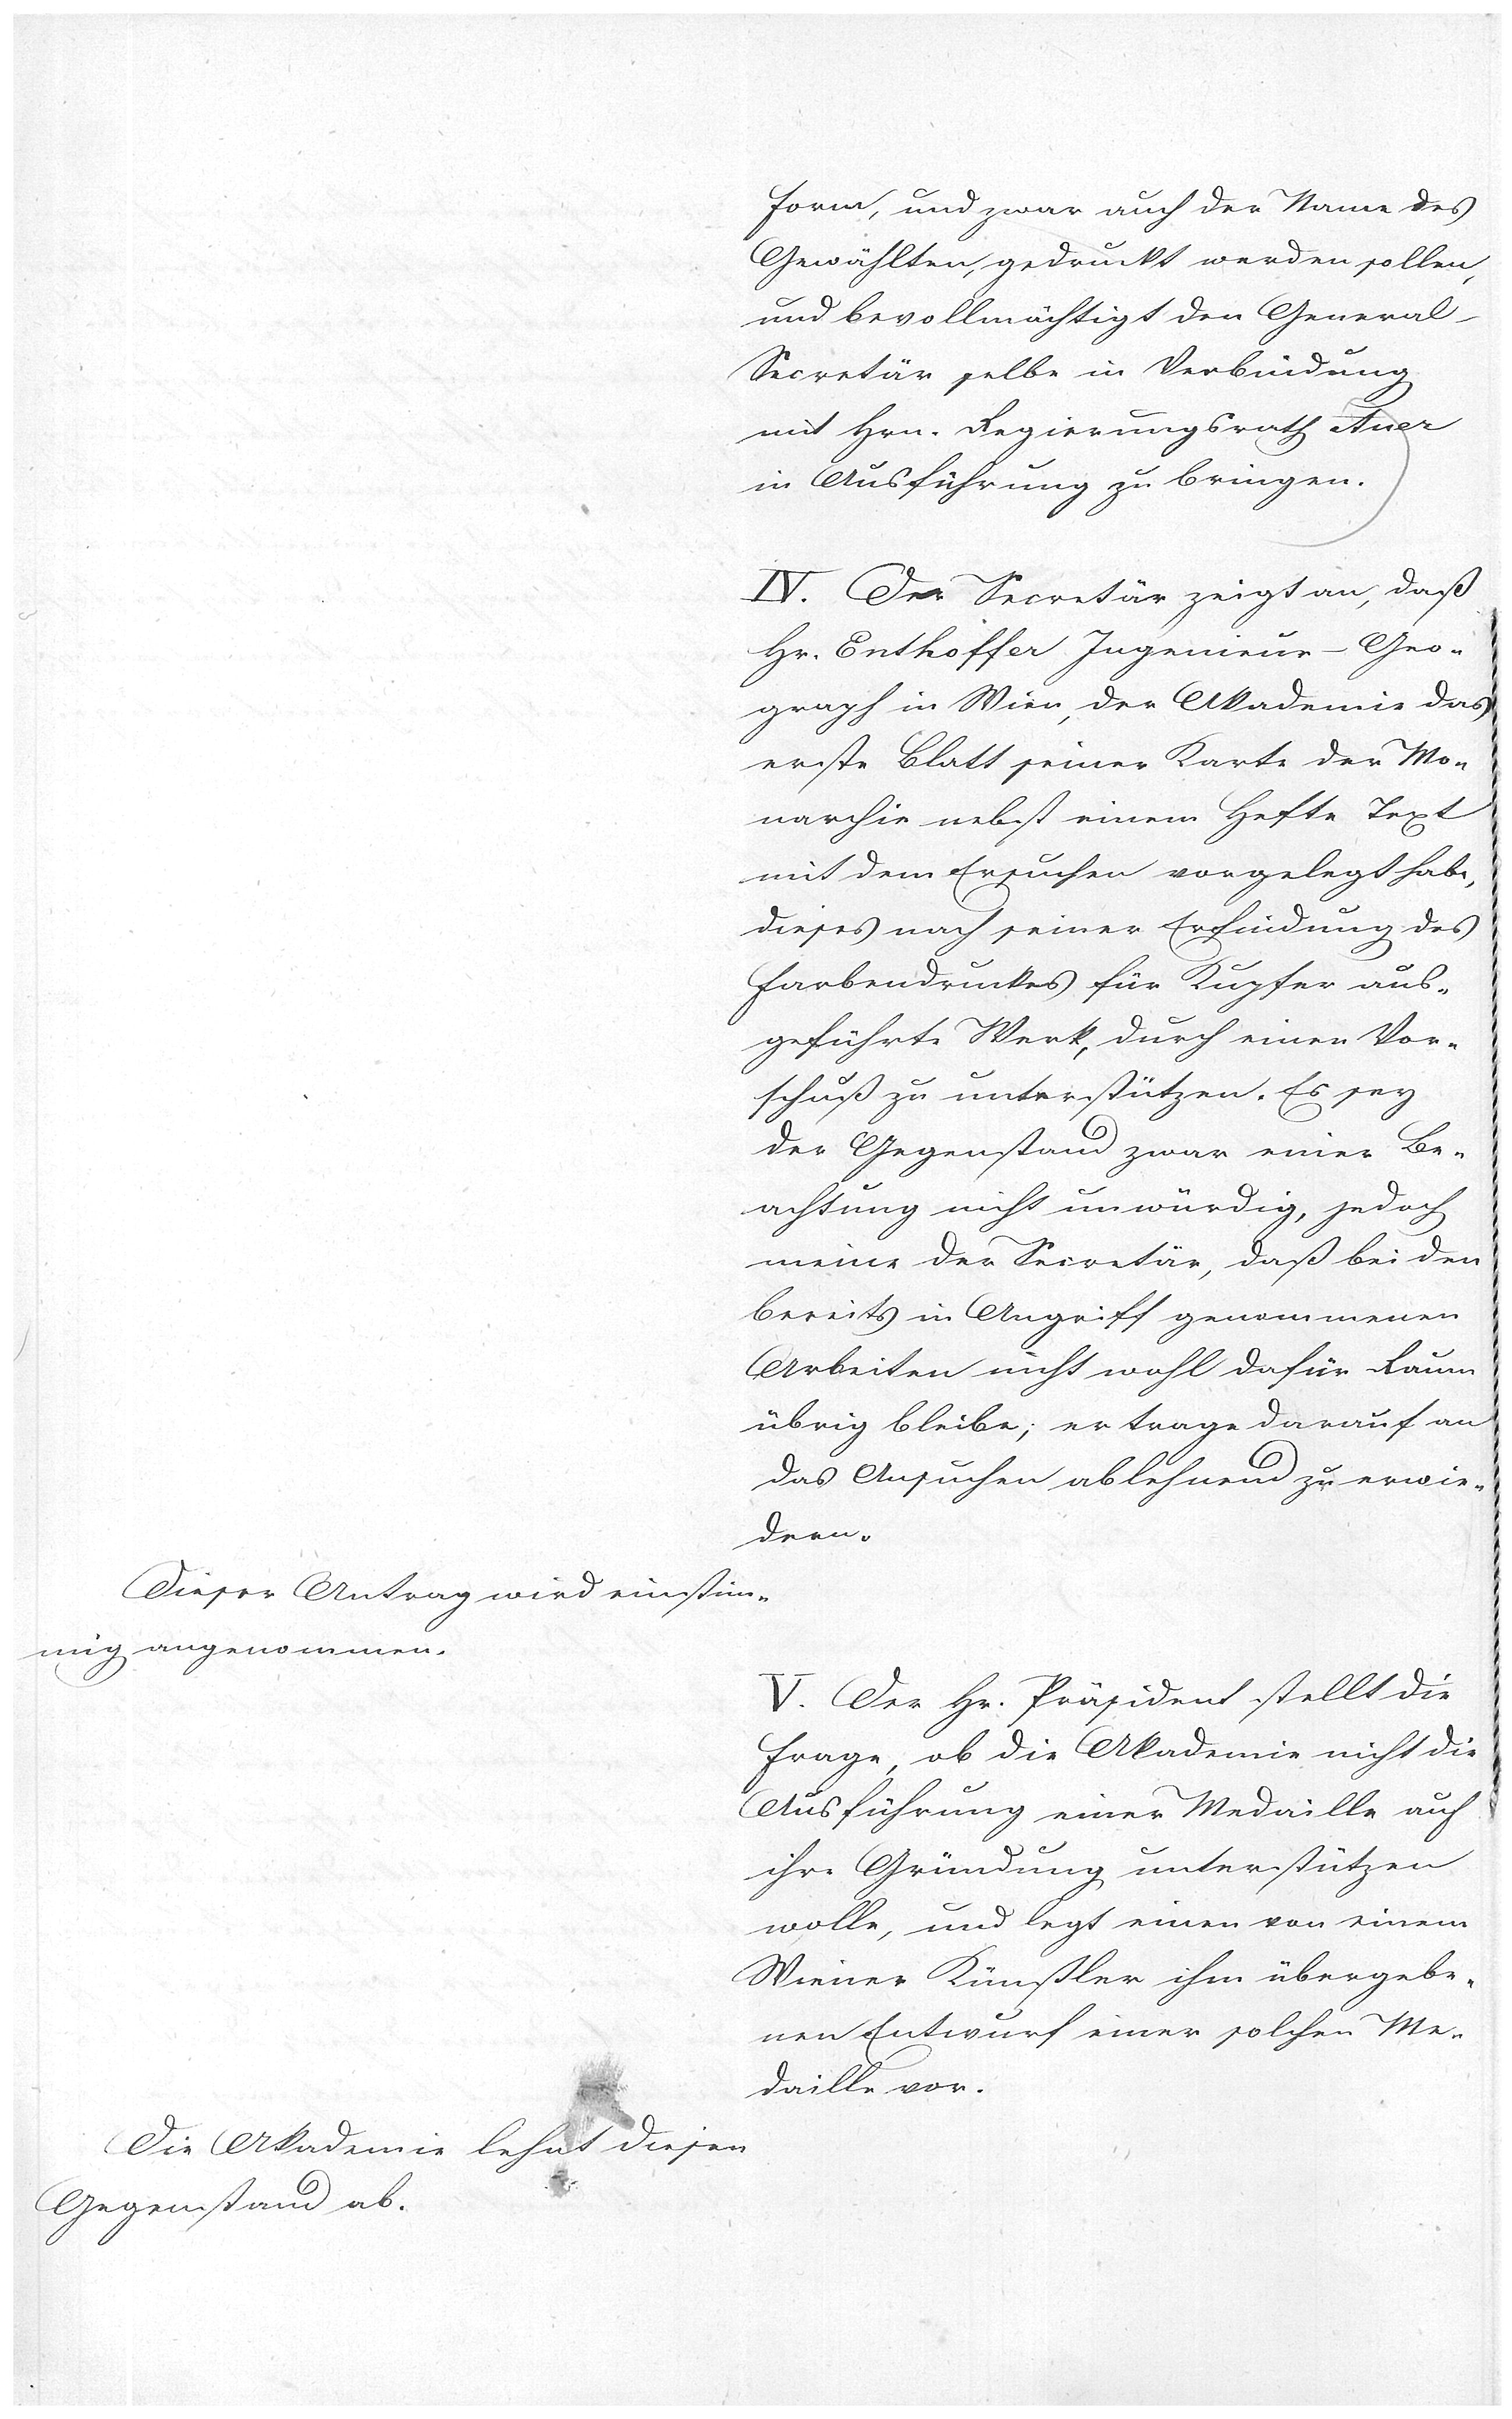form, und zwar auch der Name des
Gewählten, gedruckt werden sollen
und bevollmächtigt den General-
Secretär selbe in Verbindung
mit Hrn. Regierungsrath Auer
in Ausführung zu bringen.
IV. Der Secretär zeigt an, daß
Hr. Enthoffer Ingenieur-Geo-
graph in Wien, der Akademie das
erste Blatt seiner Karte der Mo-
narchie nebst einem Hefte Text
mit dem Ersuchen vorgelegt habe,
dieses nach seiner Erfindung des
Farbendruckes für Kupfer aus-
geführte Werk, durch einen Vor-
schuß zu unterstützen. Es sey
der Gegenstand zwar einer Be-
achtung nicht unwürdig, jedoch
meine der Secretär, daß bei den
bereits in Angriff genommenen
Arbeiten nicht wohl dafür Raum
übrig bleibe; er trage darauf an
das Ansuchen ablehnend zu erwie-
dern.
Dieser Antrag wird einstim-
mig genommen.
V. Der Hr. Präsident stellt die
Frage, ob die Akademie nicht die
Ausführung einer Medaille auf
ihre Gründung unterstützen
wolle, und legt einen von einem
Wiener Künstler ihm übergebe-
nen Entwurf einer solche Me-
daille vor.
Die Akademie lehnt diesen
Gegenstand ab.